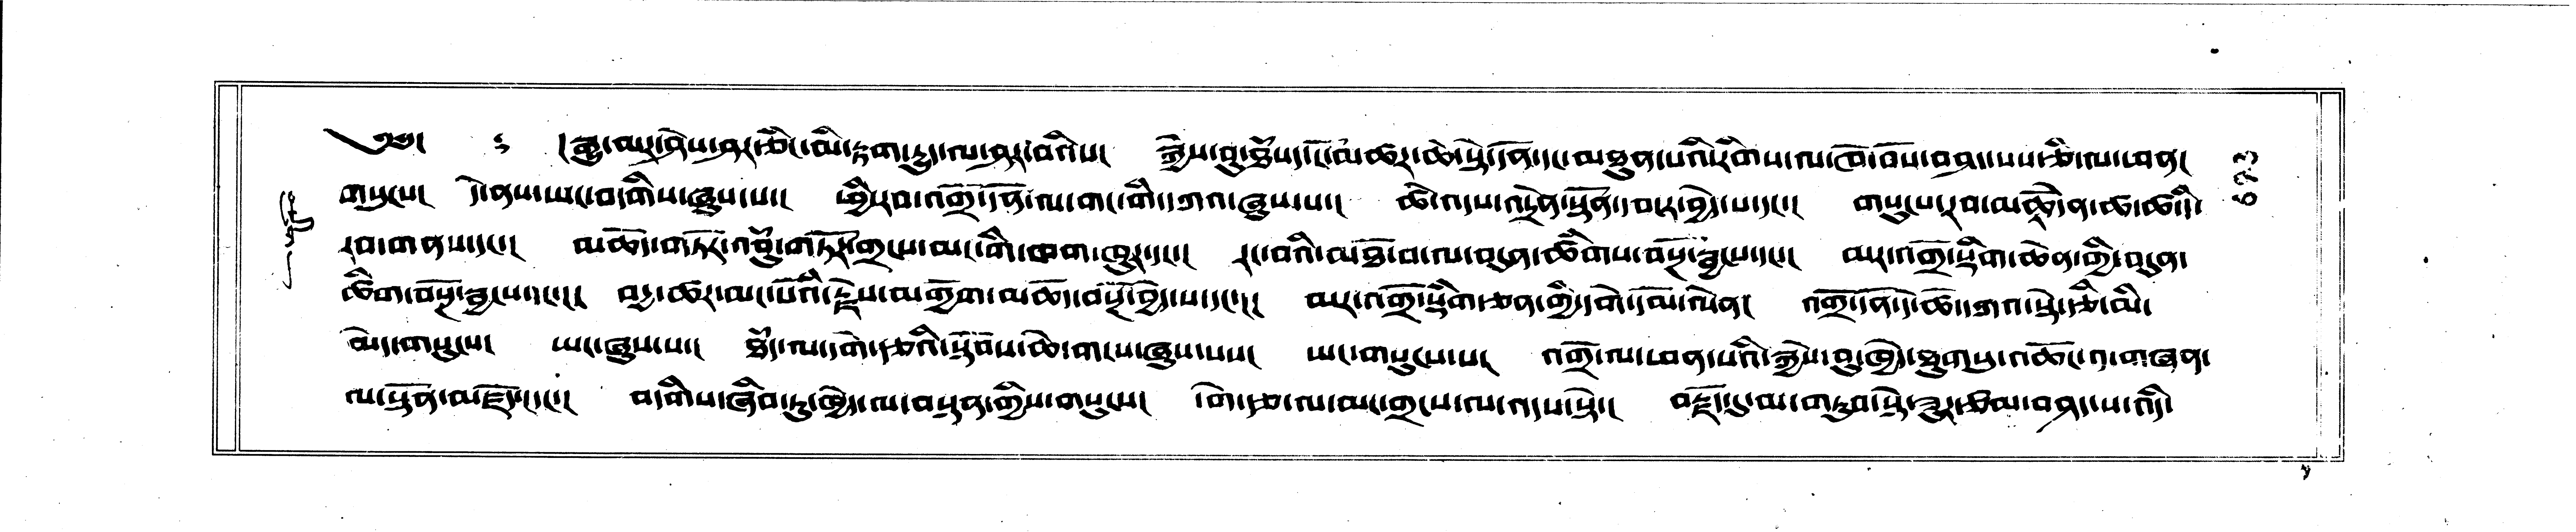བདེན་མེད་དུ་ཤེས་ཤིང་། མི་རྟག་རྒྱུད་ལ་ཤར་བའི་སྐྱེས་བུ་ཐམས་ཅད་ངོ་མཚར་ཆེ་སྟེ། དོན་དང་མི་མཐུན་པའི་རིགས་ལ་ཁོ་བོས་བཤད་ཀྱང་ཅི་ལ་ཕན་
གསུངས། དེ་ནས་བདག་གིས་ཞུས་པ། སྤྱིར་འགྲོ་དོན་ལ་གང་གིས་དཀའ།། ཞུས་ཙ། བླ་ཆེན་པོའི་ཞལ་ནས། ཚེས་འདས་འདྲེན་སྟོན་དབང་སྐུར་བྱེད་པ་དང་། གསུངས་རབ་མཆོད་རྟེན་ཚ་ཚའི་
རབ་གནས་དང་། མཆོད་གཏོར་འབུམ་གཏེར་གྲངས་མའི་ཁག་ཁུར་དང་། རང་བེས་མཐོ་བའི་བདུན་ཚིགས་བསྔོ་སྦྱང་དང་། 


བརྒྱ་ཚར་མང་པོའི་རྗེས་འཇོག་མཆོད་བསྔོ་བྱེད་པ་དང་། མར་འགྲོ་སྡིག་ཅན་གྱིས་དགེ་དོམ་ལེན་པ་དང་། འགྲོ་དོན་ལ་དེ་ཚོ་དཀའ་སྟེ་བརྩི་མི་མེད་གསུངས། ༑ ཡང་ཞུས་པ་ཐམས་ཅད་ལ་དགེ་རྩའི་སྟོབས་གང་ཆེ་ཞུས་ཙ། འགྲོ་ལ་བསམ་པའི་སྐྱེས་བུ་ཁྱོད་ཀྱིས་ཐུགས་སུ་འཆོང་གཅིག་གཞན་
ལ་སྟོན་མཛོད་དང་། བདག་གིས་ཁྱོད་ལ་ཞིབ་དུ་བསྟན་གྱིས་གསུངས། དགེ་ཙ་ལ་ཡང་གྲངས་ལ་འདས་པས་བརྗོད་དུ་མི་བཏུབ་སྟེ། ཟུར་ཙམ་བཤད་པ་